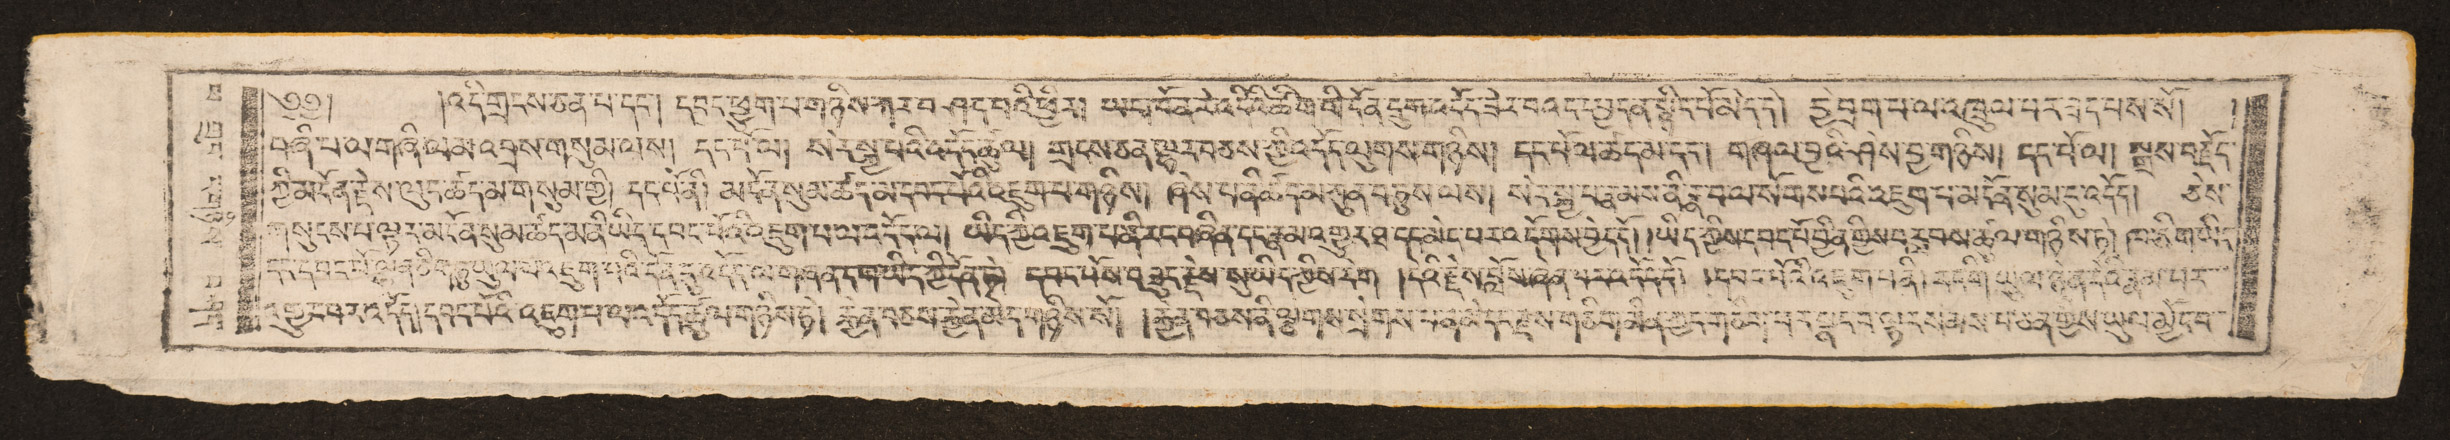༄༅། །འདི་གྲངས་ཅན་པ་དང་། དབང་ཕྱུག་པ་གཉིས་ཀར་བཤད་པའི་ཕྱིར། ཡང་ཁོ་ན་རེ་འདིའི་ཚིག་གི་དོན་དྲུག་འདོད་ཟེར་བའང་དཔྱད་ན་སྙིང་པོ་མིད་?་ད། བྱེ་བྲག་པ་ལ་འཁྲུལ་བར་ཟད་བས་སོ། །
བཞི་པ་ལ་གཞི་ལམ་འབྲས་གསུམ་ལས། དང་པོ་ལ། སེར་སྐྱ་པའི་འདོད་ཚུལ། གྲངས་ཅན་ལྷར་བཅས་ཀྱི་འདོད་ལུགས་གཉིས། དང་པོ་ལ་ཚད་མ་དང་། གཞལ་བྱའི་ཤེས་བྱ་གཉིས། དང་པོ་ལ། སྒྲས་བརྗོད་
ཀྱི་མངོན་རྗེས་ལུང་ཚད་མ་གསུམ་གྱི། དང་པོ་ནི། མངོན་སུམ་ཚད་མ་དབང་པོའི་འཇུག་པ་གཉིས། ཞེས་པ་ནི་ཚད་མ་ཀུན་བཏུས་ལས། སེར་སྐྱ་པ་རྣམས་ནི་རྣ་བ་ལ་སོགས་པའི་འཇུག་པ་མངོན་སུམ་དུ་འདོད། ཅེས་
གསུངས་པ་ལྟར་མངོན་སུམ་ཚད་མ་ནི་ཡིད་དབང་པོའི་འཇུག་པ་ལ་འདོད་ལ། ཡིད་ཀྱི་འཇུག་པ་ནི་རང་བཞིན་དང་རྣམ་འགྱུར་ཐ་དད་མེད་པར་འདོགས་བྱེད་དོ། །ཡིད་ཀྱིས་དབང་པོ་བྱིན་གྱིས་བརླབས་ཚུལ་གཉིས་ཏེ། ཁ་ཅིག་ཡིད་
དང་དབང་པོ་ལྷན་ཅིག་ཏུ་ཡུལ་ལ་འཇུག་པའི་དོན་དུ་འདོད་ལ་གཞན་དག་ཡིད་ཀྱི་དོན་ཏེ། དབང་པོས་བཟུང་རྗེས་སུ་ཡིད་ཀྱིས་རེག །དེའི་རྗེས་བློས་ཞེན་བར་འདོད་དོ། །དབང་པོའི་འཇུག་པ་ནི། རང་གི་ཡུལ་ཉེན་དེའི་རྣམ་པར་
འགྱུར་བར་འདོད། དབང་པོའི་འཇུག་པ་ལ་འདོད་ཚུལ་གཉིས་ཏེ། རྐྱེན་བཅས་རྐྱེན་མེད་གཉིས་སོ། །རྐྱེན་བཅས་ནི་ལྕགས་སྲེགས་པ་ན་མེ་དང་རྫས་གཅིག་མིན་ཀྱང་གཅིག་བར་སྣང་བ་ལྟར་སེམས་པ་ཅན་གྱིས་ཡུལ་མྱོང་བ་